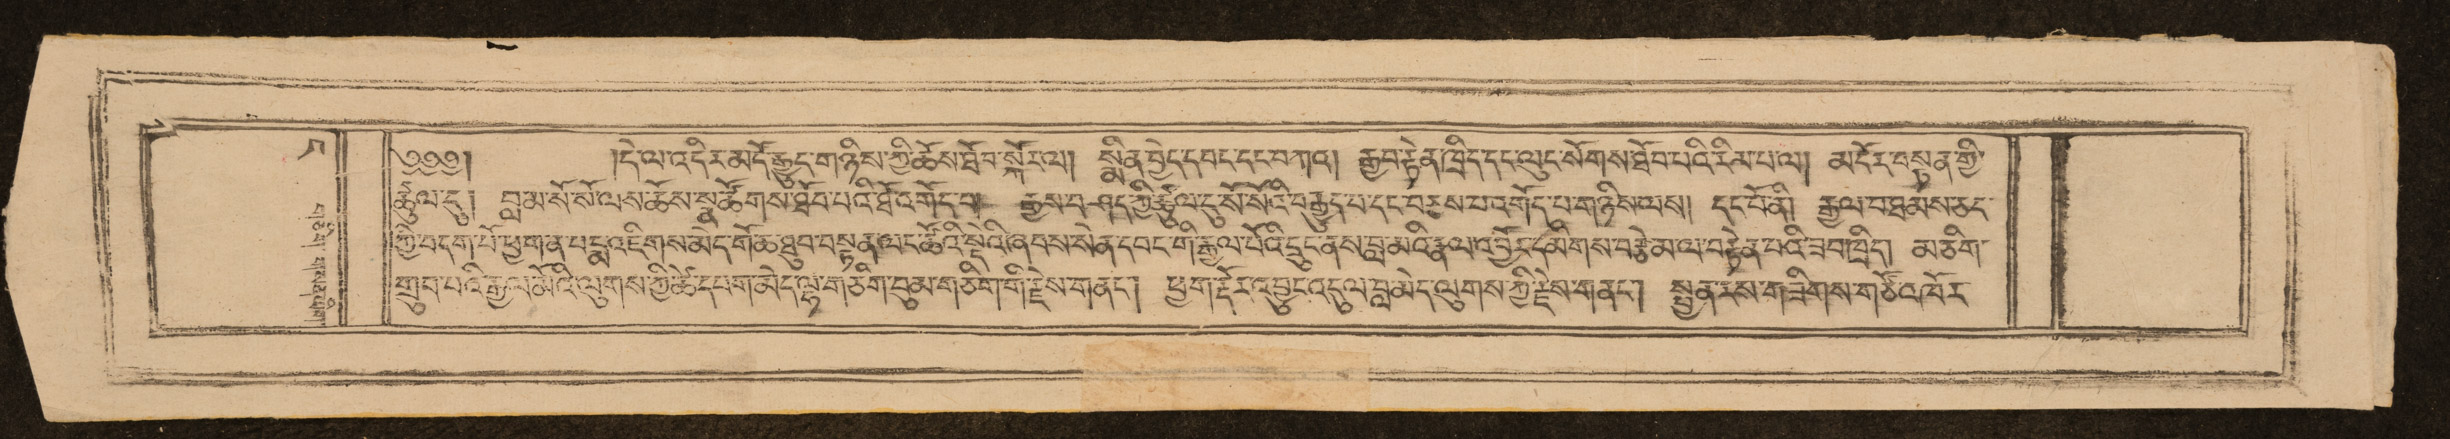༄༅༅། །དེ་ལ་འདིར་མདོ་རྒྱུད་གཉིས་ཀྱི་ཆོས་ཐོབ་སྐོར་ལ། སྨིན་བྱེད་དབང་དང་བཀའ། རྒྱབ་རྟེན་ཁྲིད་དང་ལུང་སོགས་ཐོབ་པའི་རིམ་པ་ལ། མདོར་བསྟན་གྱི་
ཚུལ་དུ། བླ་མ་སོ་སོ་ལས་ཆོས་སྣ་ཚོགས་ཐོབ་པའི་ཐོ་འགོད་པ། རྒྱས་བཤད་ཀྱི་ཚུལ་དུ་སོ་སོའི་བརྒྱུད་པ་དང་བརྒྱས?་པ་འགོད་པ་གཉིས་ལས། དང་པོ་ནི། རྒྱལ་པ་ཐམས་ཅད་
ཀྱི་བདག་པོ་ཕྱག་ན་པདམ་འཇིགས་མེད་གོ་ཆ་ཐུབ་བསྟན་ལང་ཚོའི་སྡེའི་ཞབས་སེན་དབང་གི་རྒྱལ་པོའི་དྲུང་ནས་བླ་མའི་རྣལ་འབྱོར་དམིགས་བརྩེམ་ལ་བརྟེན་པའི་ཟབ་ཁྲིད། མ་ཅིག་
གྲུབ་པའི་རྒྱལ་མོའི་ལུགས་ཀྱི་ཆོ་དཔག་མེད་ལྷ་གཅིག་བུམ་གཅིག་གི་རྗེས་གནང་། ཕྱག་རྡོར་འབྱུང་འདུལ་བླ་མེད་ལུགས་ཀྱི་རྗེས་གནང་། སྤྱན་རས་གཟིགས་གཙོ་འཁོར་